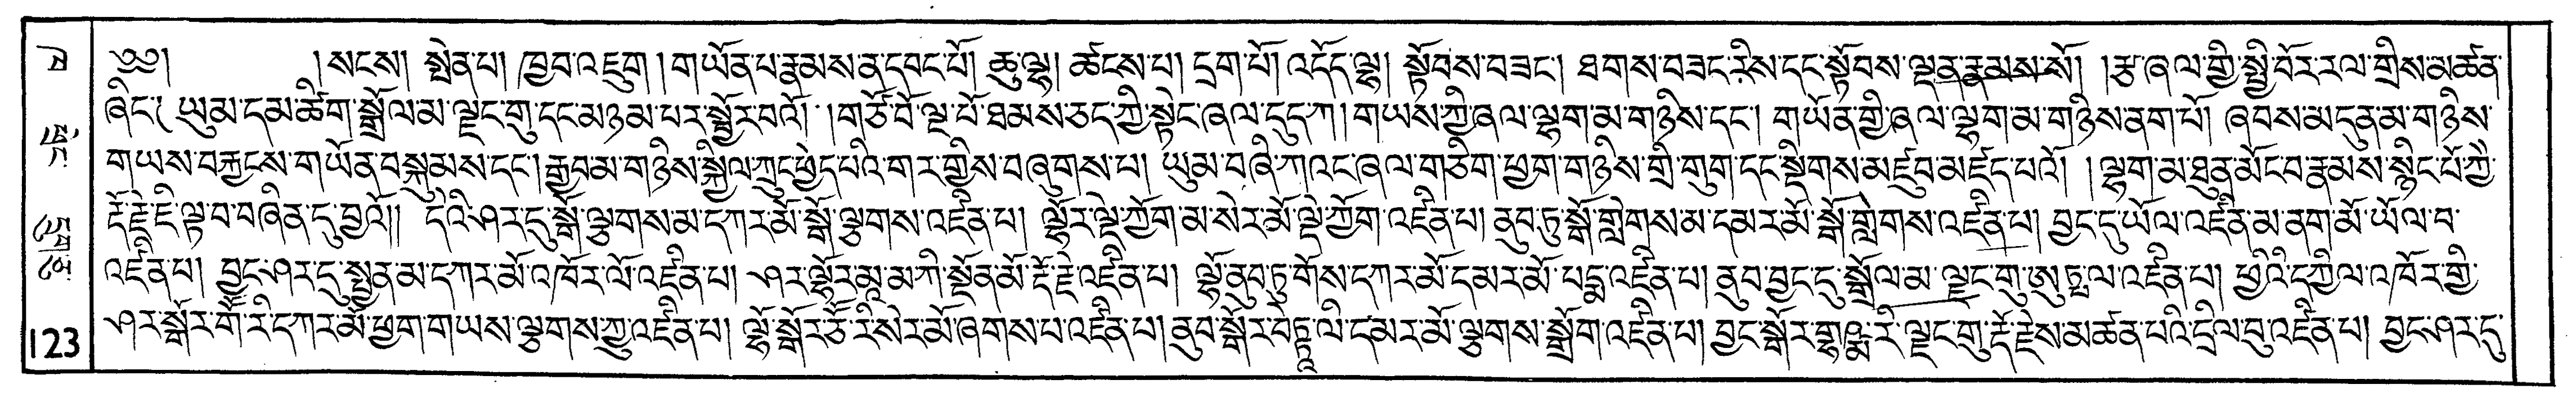༄༅། །སངས། སྤེན་པ། ཁྱབ་འཇུག །གཡོན་པ་རྣམས་ན་དབང་པོ། ཆུ་ལྷ། ཚངས་པ། དྲག་པོ། འདོད་ལྷ། སྟོབས་བཟང་། ཐགས་བཟང་རིས་དང་སྟོབས་ལྡན་རྣམས་སོ། །རྩ་ཞལ་གྱི་སྤྱི་བོར་རལ་གྲིས་མཚན་
ཞིང༑ ཡུམ་དམ་ཚིག་སྒྲོལ་མ་ལྗང་གུ་དང་མཉམ་པར་སྦྱོར་བའོ། །གཙོ་བོ་ལྔ་པོ་ཐམས་ཅད་ཀྱི་སྟེང་ཞལ་དུད་ཀ། གཡས་ཀྱི་ཞལ་ལྷག་མ་གཉིས་དང་། གཡོན་གྱི་ཞལ་ལྷག་མ་གཉིས་ནག་པོ། ཞབས་མདུན་མ་གཉིས་
གཡས་བརྐྱངས་གཡོན་བསྐུམས་དང་། རྒྱབ་མ་གཉིས་སྐྱིལ་ཀྲུང་ཕྱེད་པའི་གར་གྱིས་བཞུགས་པ། ཡུམ་བཞི་ཀའང་ཞལ་གཅིག་ཕྱག་གཉིས་གྲི་གུག་དང་སྡིགས་མཛུབ་མཛད་པའོ། །ལྷག་མཐུན་མོང་བ་རྣམས་སྙིང་པོ་ཀྱཻ་
རྡོ་རྗེ་ཇི་ལྟ་བ་བཞིན་དུ་བྱའོ། །དེའི་ཤར་དུ་སྒོ་ལྕགས་མ་དཀར་མོ་སྒོ་ལྕགས་འཛིན་པ། ལྷོར་ལྡེ་ཀྱོག་མ་སེར་མོ་ལྡེ་ཀྱོག་འཛིན་པ། ནུབ་ཏུ་སྒོ་གླེགས་མ་དམར་མོ་སྒོ་གླེགས་འཛིན་པ། བྱང་དུ་ཡོལ་འཛིན་མ་ནག་མོ་ཡོལ་བ་
འཛིན་པ། བྱང་ཤར་དུ་སྤྱན་མ་དཀར་མོ་འཁོར་ལོ་འཛིན་པ། ཤར་ལྷོར་མཱ་མ་ཀི་སྔོན་མོ་རྡོ་རྗེ་འཛིན་པ། ལྷོ་ནུབ་ཏུ་གོས་དཀར་མོ་དམར་མོ་པདམ་འཛིན་པ། ནུབ་བྱང་དུ་སྒྲོལ་མ་ལྗང་གུ་ཨུཏྤལ་འཛིན་པ། པྱིའི་དཀྱིལ་འཁོར་གྱི་
ཤར་སྒོར་གཽ་རི་དཀར་མོ་ཕྱག་གཡས་ལྕགས་ཀྱུ་འཛིན་པ། ལྷོ་སྒོར་ཅཽ་རི་སེར་མོ་ཞགས་པ་འཛིན་པ། ནུབ་སྒོར་བེཏྟཱ་ལི་དམར་མོ་ལྕགས་སྒྲོག་འཛིན་པ། བྱང་སྒོར་གྷཥྨ་རི་ལྗང་གུ་རྡོ་རྗེས་མཚན་པའི་དྲིལ་བུ་འཛིན་པ། བྱང་ཤར་དུ་